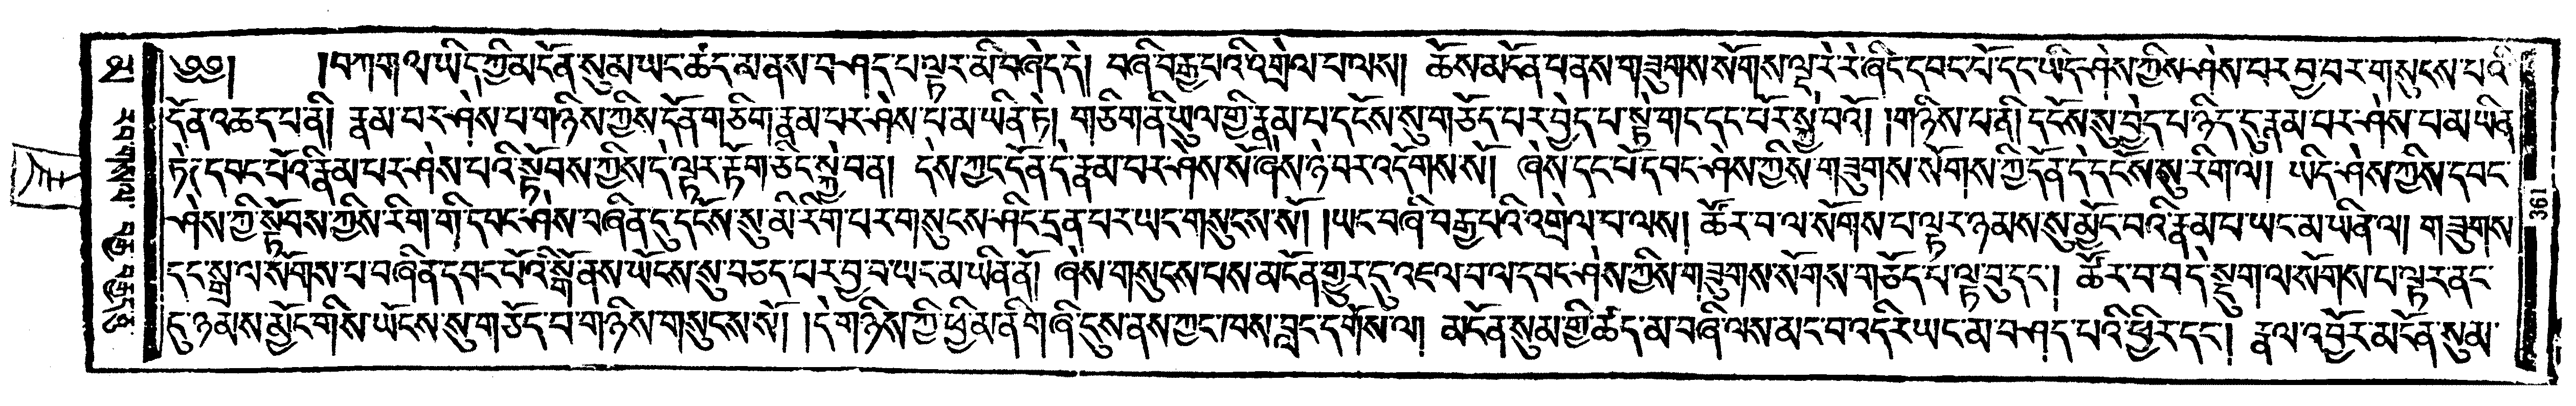༄༅། །བཀག་ལ་ཡིད་ཀྱི་མངོན་སུམ་ཡང་ཚད་མ་ནས་བཤད་པ་ལྟར་མི་བཞེད་དེ། བཞི་བརྒྱ་པའི་འགྲེལ་པ་ལས། ཆོས་མངོན་པ་ནས་གཟུགས་སོགས་ལྔ་རེ་རེ་ཞིང་དབང་པོ་དང་ཡིད་ཤེས་ཀྱིས་ཤེས་པར་བྱ་བར་གསུངས་པའི་
དོན་འཆད་པ་ན། རྣམ་པར་ཤེས་པ་གཉིས་ཀྱིས་དོན་གཅིག་རྣམ་པར་ཤེས་པ་མ་ཡིན་ཏེ། གཅིག་ནི་ཡུལ་གྱི་རྣམ་པ་དངོས་སུ་གཅོད་པར་བྱེད་པ་སྟེ་གང་དང་པོར་སྐྱེ་བའོ། །གཉིས་པ་ནི། དངོས་སུ་བྱེད་པ་ཉིད་དུ་རྣམ་པར་ཤེས་པ་མ་ཡིན་
ཏེ༑ དབང་པོའི་རྣམ་པར་ཤེས་པའི་སྟོབས་ཀྱིས་དེ་ལྟར་རྟོག་ཅིང་སྐྱེ་བ་ན། དེས་ཀྱང་དོན་དེ་རྣམ་པར་ཤེས་སོ་ཞེས་ཉེ་བར་འདོགས་སོ། ཞེས་དང་པོ་དབང་ཤེས་ཀྱིས་གཟུགས་སོགས་ཀྱི་དོན་དེ་དངོས་སུ་རིག་ལ། ཡིད་ཤེས་ཀྱིས་དབང་
ཤེས་ཀྱི་སྟོབས་ཀྱིས་རིག་གི་དབང་ཤེས་བཞིན་དུ་དངོས་སུ་མི་རིག་པར་གསུངས་ཤིང་དྲན་པར་ཡང་གསུངས་སོ། །ཡང་བཞི་བརྒྱ་པའི་འགྲེལ་པ་ལས། ཚོར་བ་ལ་སོགས་པ་ལྟར་ཉམས་སུ་མྱོང་བའི་རྣམ་པ་ཡང་མ་ཡིན་ལ། གཟུགས་
དང་སྒྲ་ལ་སོགས་པ་བཞིན་དབང་པོའི་སྒོ་ནས་ཡོངས་སུ་བཅད་པར་བྱ་བ་ཡང་མ་ཡིན་ནོ། ཞེས་གསུངས་པས་མངོན་གྱུར་དུ་འཇལ་བ་ལ་དབང་ཤེས་ཀྱིས་གཟུགས་སོགས་གཅོད་པ་ལྟ་བུ་དང་། ཚོར་བ་བདེ་སྡུག་ལ་སོགས་པ་ལྟར་ནང་
དུ་ཉམས་མྱོང་གིས་ཡོངས་སུ་གཅོད་པ་གཉིས་གསུངས་སོ། །དེ་གཉིས་ཀྱི་ཕྱི་མ་ནི་གཞི་དུས་ནས་ཀྱང་ཁས་བླང་དགོས་ལ། མངོན་སུམ་གྱི་ཚད་མ་བཞི་ལས་མང་བ་འདིར་ཡང་མ་བཤད་པའི་ཕྱིར་དང་། རྣལ་འབྱོར་མངོན་སུམ་